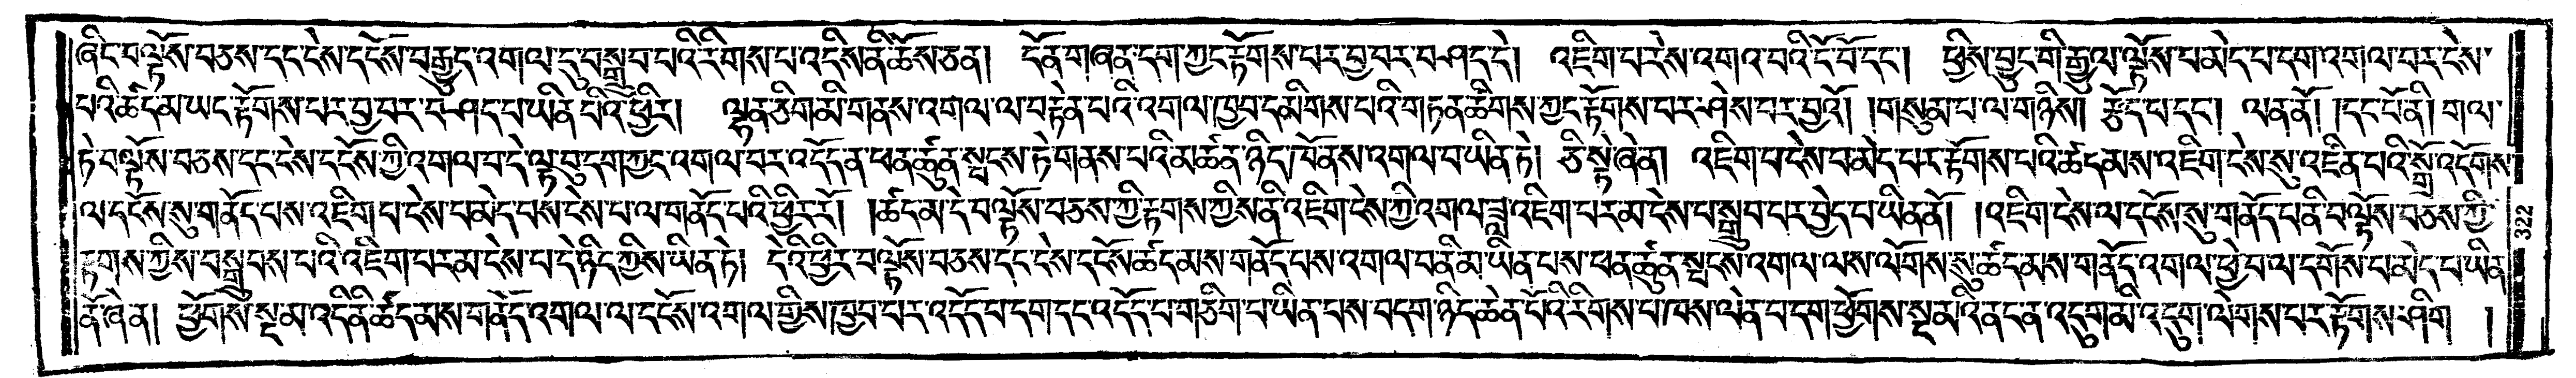ཞིང་བལྟོས་བཅས་དང་ངེས་དངོས་བརྒྱུད་འགལ་དུ་བསྒྲུབ་པའི་རིགས་པ་འདིས་ནི་ཆོས་ཅན། དོན་གཞན་དག་ཀྱང་རྟོགས་པར་བྱ་བར་བཤད་དེ། འཇིག་པ་རེས་འགའ་བའི་ངོ་བོ་དང་། ཕྱིས་བྱུང་གི་རྒྱུ་ལ་ལྟོས་པ་མེད་པ་དག་འགལ་བར་ངེས་
པའི་ཚད་མ་ཡང་རྟོགས་པར་བྱ་བར་བཤད་པ་ཡིན་པའི་ཕྱིར། ལྷན་ཅིག་མི་གནས་འགལ་ལ་བརྟེན་པའི་འགལ་ཁྱབ་དམིགས་པའི་གཏན་ཚིགས་ཀྱང་རྟོགས་པར་ཤེས་པར་བྱའོ། །གསུམ་པ་ལ་གཉིས། རྩོད་པ་དང་། ལན་ནོ། །དང་པོ་ནི། གལ་
ཏེ་བལྟོས་བཅས་དང་ངེས་དངོས་ཀྱི་འགལ་བ་དེ་ལྟ་བུ་དག་ཀྱང་འགལ་བར་འདོད་ན་ཕན་ཚུན་སྤངས་ཏེ་གནས་པའི་མཚན་ཉིད་ཁོ་ནས་འགལ་བ་ཡིན་ཏེ། ཅི་སྟེ་ཞེ་ན། འཇིག་པ་ངེས་བ་མེད་པར་རྟོགས་པའི་ཚད་མས་འཇིག་ངེས་སུ་འཛིན་པའི་སྒྲོ་འདོགས་
ལ་དངོས་སུ་གནོད་པས་འཇིག་པ་ངེས་པ་མེད་པས་ངེས་པ་ལ་གནོད་པའི་ཕྱི་རོར། །ཚད་མ་དེ་བལྟོས་པ་བཅས་ཀྱི་རྟགས་ཀྱིས་ནི་འཇིག་ངེས་ཀྱི་འགལ་ཟླ་འཇིག་པར་མ་དེས་པ་སྒྲུབ་པར་བྱེད་པ་ཡིན་ནོ། །འཇིག་ངེས་ལ་དངོས་སུ་གནོད་པ་ནི་བ་ལྟོས་བཅད་ཀྱི་
རྟགས་ཀྱིས་བསྒྲུབས་པའི་འཇིག་པར་མ་ངེས་པ་དེ་ཉིད་ཀྱིས་ཡིན་ཏེ། དེའི་ཕྱིར་བལྟོས་བཅས་དང་ངེས་དངོས་ཚད་མས་གནོད་པས་འགལ་བ་ནི་མ་ཡིན་པས་ཕན་ཚུན་སྤངས་འགལ་ལས་ལོགས་སུ་ཚད་མས་གནོད་འགལ་ཕྱེ་བ་ལ་དགོས་པ་མེད་པ་ཡིན་
ནོ་ཞེ་ན། ཕྱོགས་སྔ་མ་འདི་ནི་ཚད་མས་གནོད་འགལ་ལ་དངོས་འགལ་གྱིས་ཁྱབ་པར་འདོད་པ་དག་དང་འདོད་པ་གཅིག་པ་ཡིན་པས་བདག་ཉིད་ཆེན་པོའི་རིགས་པ་ཁས་ལེན་པ་དག་ཕྱོགས་སྔ་མའི་ནང་ན་འདུག་མི་འདུག་ལེགས་པར་རྟོགས་ཤིག །